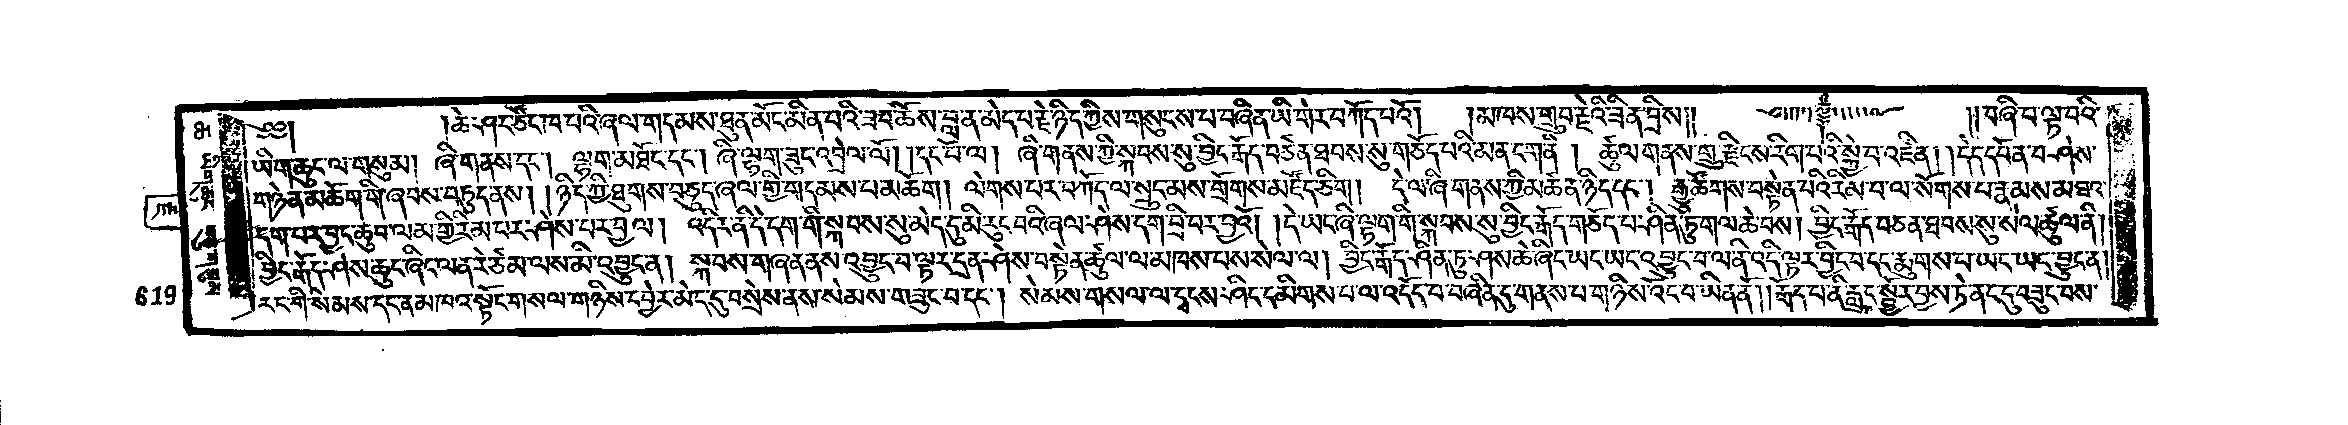༄༅། །ཆེ་ཤར་ཙོང་ཁ་པའི་ཞལ་གདམས་ཐུན་མོང་མིན་པའི་ཟབ་ཆོས་བླ་ན་མེད་པ་རྗེ་ཉིད་ཀྱིས་གསུངས་པ་བཞིན་ཡི་གེར་བཀོད་པའོ། །མཁས་གྲུབ་རྗེའི་ཟིན་བྲིས།། ༈ །།བཞི་པ་ལྟ་བའི་
ཡིག་ཆུང་ལ་གསུམ། ཞི་གནས་དང་། ལྷག་མཐོང་དང་། ཞི་ལྷག་ཟུང་འབྲེལ་ལོ། །དང་པོ་ལ། ཞི་གནས་ཀྱི་སྐབས་སུ་བྱིང་རྒོད་བཙན་ཐབས་སུ་གཅོད་པའི་མན་ངག་ནི། ཚུལ་གནས་གྲུ་རྫིངས་རིག་པའི་སྐྱ་བ་འཛིན། །དེད་དཔོན་བཤེས་
གཉེན་མཆོག་གི་ཞབས་བཏུད་ནས། །ཉིད་ཀྱི་ཐུགས་བཅུད་ཞལ་གྱི་གདམས་པ་མཆོག །ལེགས་པར་བཀོད་ལ་སྲུང་མས་གྲོགས་མཛོད་ཅིག །དེ་ལ་ཞི་གནས་ཀྱི་མཚན་ཉིད་དང་། རྒྱུ་ཚོགས་བསྟེན་པའི་རིམ་པ་ལ་སོགས་པ་རྣམས་མཐའ་
དག་པར་བྱང་ཆུབ་ལམ་གྱི་རིམ་པར་ཤེས་པར་བྱ་ལ། འདིར་ནི་དེ་དག་གི་སྐབས་སུ་མེད་དུ་མི་རུང་བའི་ཞལ་ཤེས་དག་བྲི་བར་བྱའོ། །དེ་ཡང་ཞི་ལྷག་གི་སྐབས་སུ་བྱིང་རྒོད་གཅོད་པ་ཤིན་ཏུ་གལ་ཆེ་བས། བྱིང་རྒོད་བཅན་ཐབས་སུ་སེལ་ཚུལ་ནི།
བྱིང་རྒོད་ཤེས་ཆུང་ཞིང་ལན་རེ་ཙམ་ལས་མི་འབྱུང་ན། སྐབས་གཞན་ནས་འབྱུང་བ་ལྟར་དྲན་ཤེས་བསྟེན་ཚུལ་ལ་མཁས་པས་སེལ་ལ། བྱིན་རྒོད་ཤིན་ཏུ་ཤས་ཆེ་ཞིང་ཡང་ཡང་འབྱུང་བ་ལ་ནི་འདི་ལྟར་བྱིང་བ་དང་རྨུགས་པ་ཡང་ཡང་བྱུང་ན།
རང་གི་སེམས་དང་ནམ་མཁའ་སྟོང་གསལ་གཉིས་དབྱེར་མེད་དུ་བསྲེས་ནས་སེམས་གཟུང་བ་དང་། སེམས་གསལ་ལ་དྭངས་ཤིང་དམིགས་པ་ལ་འདོད་པ་བཞིན་དུ་གནས་པ་གཉིས་འོང་བ་ཡིན་ནོ། །རྒོད་པ་ནི་རླུང་སྦྱོར་བྱས་ཏེ་ནང་དུ་བཟུང་བས་